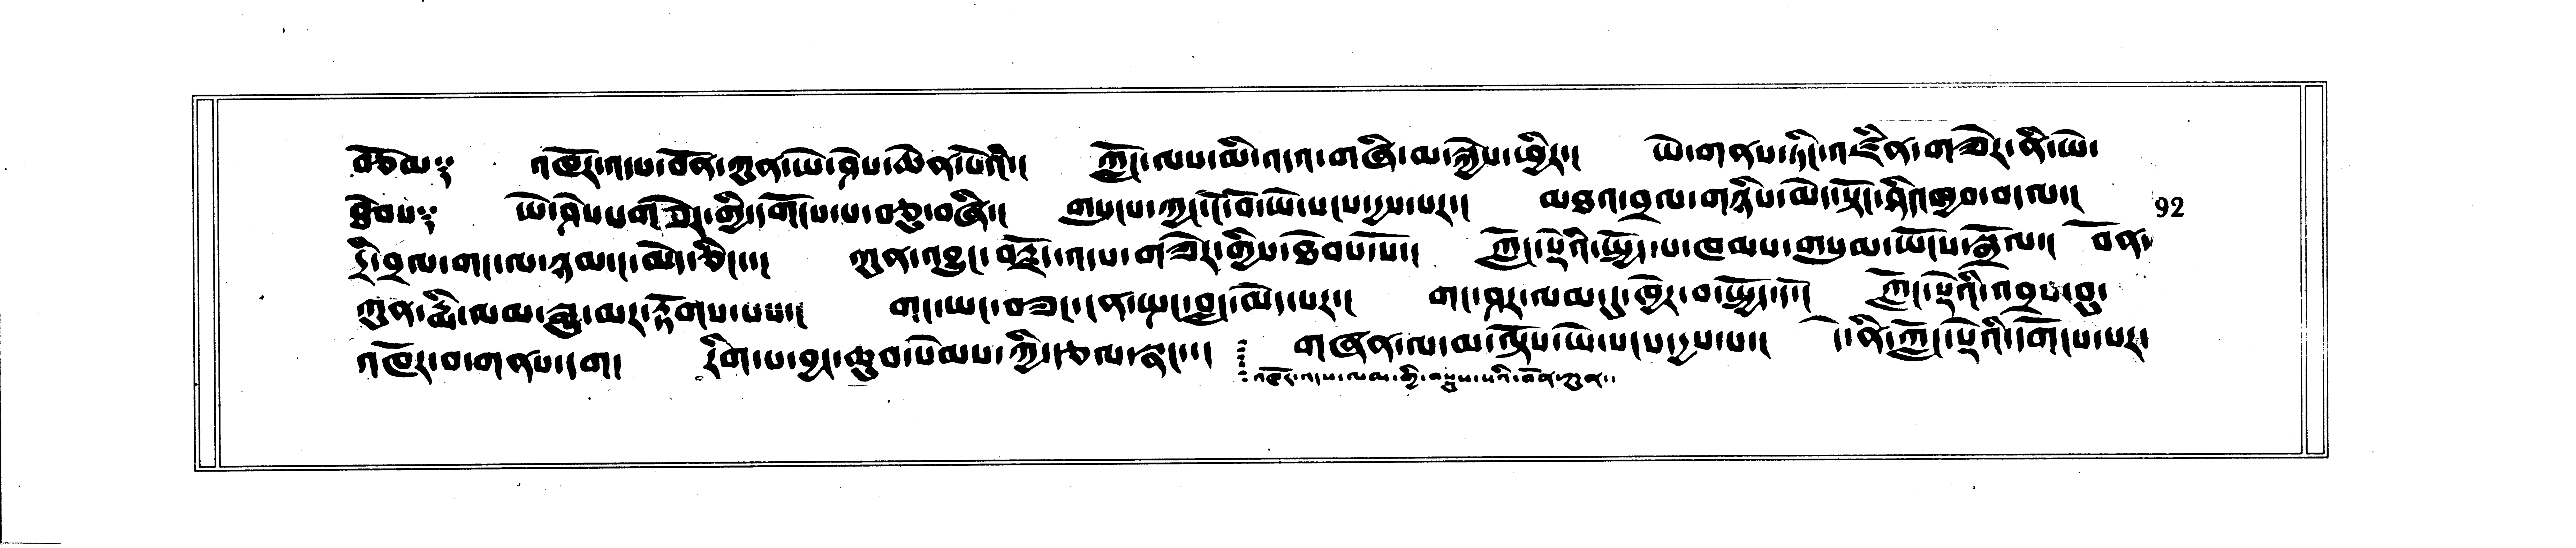བཅོམ། །འཁོར་འདས་བོན་ཀུན་ཡེ་ཤེས་ཆེན་པོའི། །ཀློང་ལས་མི་འདའ་གཞི་མ་སྐྱེས་ཕྱིར། །ཡེ་གནས་ཏིང་འཛིན་གཟེར་ནི་ཡེ་
ཐོབས། །ཡེ་ཤེས་གཅེར་གྱི་དགོངས་པ་བཅུ་བཞི། །གསུངས་ཀྱང་ངོ་བོ་ཡེ་སངས་རྒྱས་པར། །མཐའ་བྲལ་གཉིས་མེད་སྟོང་ཉིད་ཁྱབ་བདལ། 
།དྲི་བྲལ་གང་ལ་ཉམ་ང་མེད་ཅིང་། །ཀུན་འབྱུང་བརྗོད་འདས་གཟེར་གྱིས་ཐེབས་སོ། །ཀློང་སྡེའི་སྤྱོད་པ་ཁམས་གསུམ་ཡོངས་སྒྲོལ། །བོན་
ཀུན་རྨི་ལམ་སྒྱུ་མར་རྟོགས་པས། །གང་ཡང་བཟང་ངན་སྤང་བླང་མེད་པར། །གང་ཤར་ལམ་དུ་ཁྱེར་བ་སྤྱོད་དོ། །ཀློང་སྡེའི་འབྲས་བུ་
འཁོར་བ་གནས་དག །རིག་པ་བྱང་ཆུབ་སེམས་ཀྱི་རྩལ་སྣང་། །འཁོར་འདས་ལམ་གྱིས་བསྡུས་པའི་བོན་ཀུན། །གཞན་ལ་མ་ལྟོས་ཡེ་སངས་རྒྱས་པ། །དེ་ནི་ཀློང་སྡེའི་དགོངས་པར་